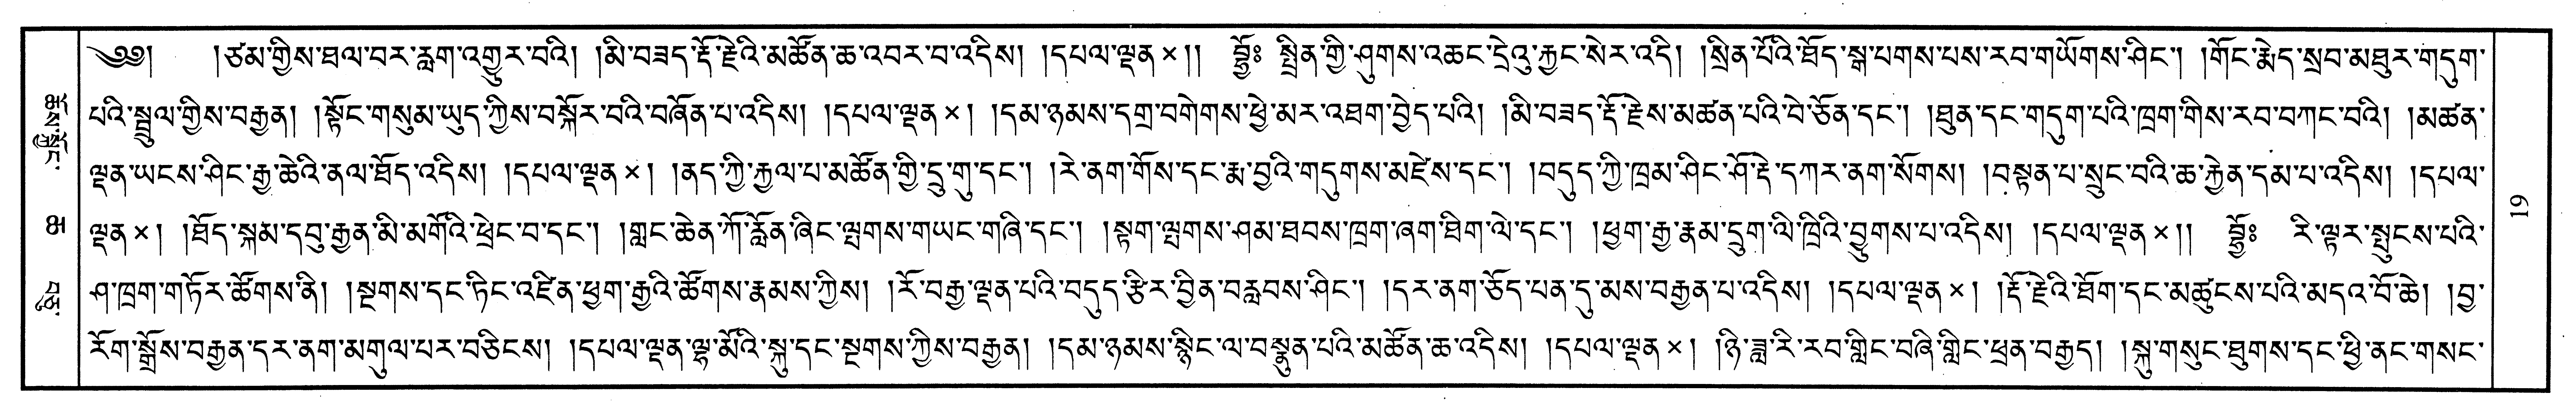༄༅། །ཙམ་གྱིས་ཐལ་བར་རླག་འགྱུར་བའི། །མི་བཟད་རྡོ་རྗེའི་མཚོན་ཆ་འབར་བ་འདིས། །དཔལ་ལྡན་྾།། བྷྱོཿ སྤྲིན་གྱི་ཤུགས་འཆང་དྲེའུ་རྐྱང་སེར་འདི། །སྲིན་པོའི་ཐོད་སྒ་པགས་པས་རབ་གཡོགས་ཤིང་། །གོང་རྨེད་སྲབ་མཐུར་གདུག་
པའི་སྦྲུལ་གྱིས་བརྒྱན། །སྟོང་གསུམ་ཡུད་ཀྱིས་བསྐོར་བའི་བཞོན་པ་འདིས། །དཔལ་ལྡན་྾། །དམ་ཉམས་དགྲ་བགེགས་ཕྱེ་མར་འཐག་བྱེད་པའི། །མི་བཟད་རྡོ་རྗེས་མཚན་པའི་བེ་ཅོན་དང་། །ཐུན་དང་གདུག་པའི་ཁྲག་གིས་རབ་བཀང་བའི། །མཚན་
ལྡན་ཡངས་ཤིང་རྒྱ་ཆེའི་ནལ་ཐོད་འདིས། །དཔལ་ལྡན་྾། །ནད་ཀྱི་རྐྱལ་པ་མཚོན་གྱི་དྲུ་གུ་དང་། །རེ་ནག་གོས་དང་རྨ་བྱའི་གདུགས་མཛེས་དང་། །བདུད་ཀྱི་ཁྲམ་ཤིང་ཤོ་རྡེ་དཀར་ནག་སོགས། །བསྟན་པ་སྲུང་བའི་ཆ་རྐྱེན་དམ་པ་འདིས། །དཔལ་
ལྡན་྾། །ཐོད་སྐམ་དབུ་རྒྱན་མི་མགོའི་ཕྲེང་བ་དང་། །གླང་ཆེན་ཀོ་རློན་ཞིང་ལྤགས་གཡང་གཞི་དང་། །སྟག་ལྤགས་ཤམ་ཐབས་ཁྲག་ཞག་ཐིག་ལེ་དང་། །ཕྱག་རྒྱ་རྣམ་དྲུག་ལི་ཁྲིའི་བྱུགས་པ་འདིས། །དཔལ་ལྡན་྾།། བྷྱོཿ རི་ལྟར་སྤུངས་པའི་
ཤ་ཁྲག་གཏོར་ཚོགས་ནི། །སྔགས་དང་ཏིང་འཛིན་ཕྱག་རྒྱའི་ཚོགས་རྣམས་ཀྱིས། །རོ་བརྒྱ་ལྡན་པའི་བདུད་རྩིར་བྱིན་བརླབས་ཤིང་། །དར་ནག་ཅོད་པན་དུ་མས་བརྒྱན་པ་འདིས། །དཔལ་ལྡན་྾། །རྡོ་རྗེའི་ཐོག་དང་མཚུངས་པའི་མདའ་བོ་ཆེ། །བྱ་
རོག་སྒྲོས་བརྒྱན་དར་ནག་མགུལ་པར་བཅིངས། །དཔལ་ལྡན་ལྷ་མོའི་སྐུ་དང་སྔགས་ཀྱིས་བརྒྱན། །དམ་ཉམས་སྙིང་ལ་བསྣུན་པའི་མཚོན་ཆ་འདིས། །དཔལ་ལྡན་྾། །ཉི་ཟླ་རི་རབ་གླིང་བཞི་གླིང་ཕྲན་བརྒྱད། །སྐུ་གསུང་ཐུགས་དང་ཕྱི་ནང་གསང་